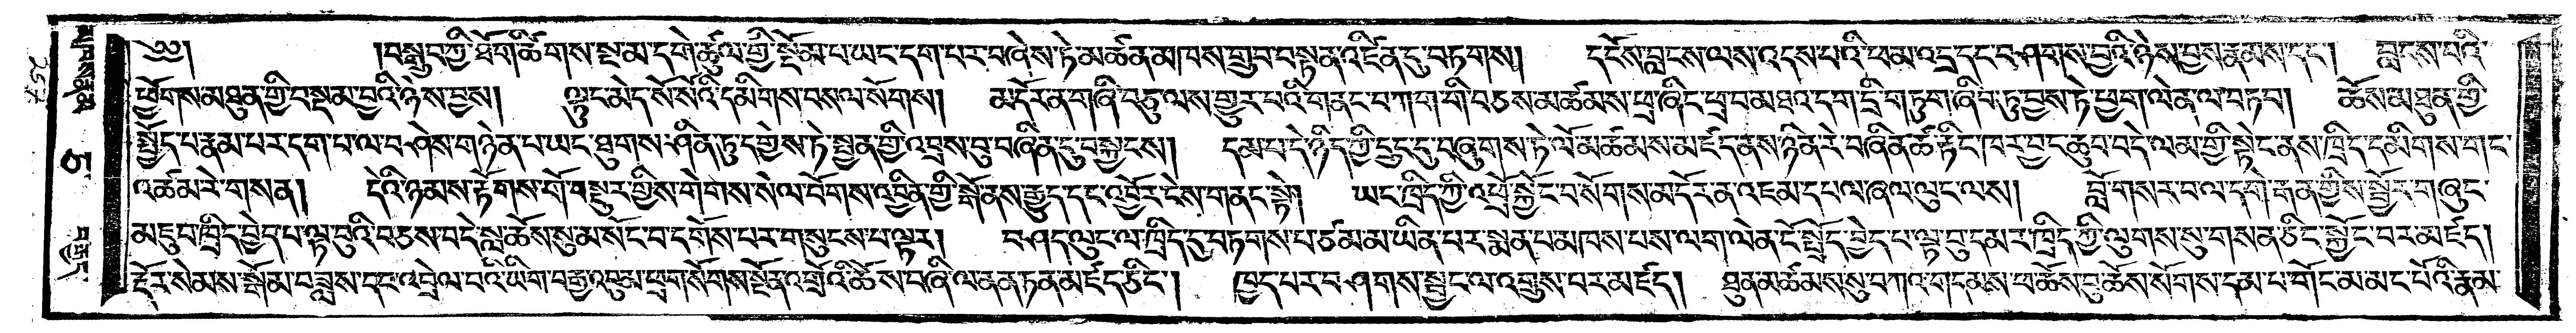༄༅། །བསྒྲུབ་ཀྱི་ཐོག་ཚིགས་སྔ་མ་དགེ་ཚུལ་གྱི་སྡོམ་པ་ཡང་དག་པར་བཞེས་ཏེ་མཚན་མཁས་གྲུབ་བསྟན་འཛིན་དུ་བཏགས། དངོས་བླངས་ལས་འདས་པའི་ཕམ་འདྲ་དང་བཤགས་བྱའི་ཉེས་བྱས་རྣམས་དང་། བླངས་པའི་
ཕྱོགས་མཐུན་གྱི་བསྡམ་བྱའི་ཉེས་བྱས། ལྟུང་མེད་སོ་སོའི་དམིགས་བསལ་སོགས། །མདོར་ན་གཞི་བཅུ་ལས་གྱུར་པའི་གནང་བཀག་གི་བཅས་མཚམས་ཕྲ་ཞིང་ཕྲ་བ་མཐའ་དག་དྲི་གཏུག་ཞིབ་ཏུ་བྱས་ཏེ་ཕྱག་ལེན་ལ་བཏབ། ཆོས་མཐུན་གྱི་
སྤྱོད་པ་རྣམ་པར་དག་པ་ལ་བཤེས་གཉེན་པ་ཡང་ཐུགས་ཤིན་ཏུ་དགྱེས་ཏེ་སྤྱན་གྱི་འབྲས་བུ་བཞིན་དུ་བསྐྱངས། དམ་པ་དེ་ཉིད་ཀྱི་དྲུང་དུ་བཞུགས་ཏེ་ལོ་མཚམས་མཛད་ནས་ཉིན་རེ་བཞིན་ཚ་རྟིང་ཁར་བྱང་ཆུབ་བདེ་ལམ་གྱི་སྟེང་ནས་ཁྲིད་དམིགས་གང་
འཚམ་རེ་གསན། དེའི་ཉམས་རྟོགས་གོ་བསྡུར་གྱིས་གེགས་སེལ་བོགས་འབྱིན་གྱི་སྒོ་ནས་རྒྱུད་དང་འབྱོར་ངེས་གནང་སྟེ། ཡང་ཁྲིད་ཀྱི་འཕྲོ་སྐྱོང་བ་སོགས་མདོར་ན་འཇམ་དཔལ་ཞལ་ལུང་ལས། བློ་གསར་བ་ལ་དགེ་རྒན་གྱིས་སྦྱོར་གཞུང་
མཛུབ་ཁྲིད་བྱེད་པ་ལྟ་བུའི་བཅས་བདེ་སླ་ཆོས་སུམ་སོང་བ་དགོས་པར་གསུངས་པ་ལྟར། བཤད་ལུང་ལ་ཁྲིད་དུ་བཏགས་པ་ཙམ་མ་ཡིན་པར་སྨན་པ་མཁས་པས་ལག་ལེན་ངོ་སྦྲོད་བྱེད་པ་ལྟ་བུ་དམར་ཁྲིད་ཀྱི་ལུགས་སུ་གསན་ཅིང་སྐྱོང་བར་མཛད།
རྡོར་སེམས་སྒོམ་བཟླས་དང་འབྲེལ་པའི་ཡིག་བརྒྱ་འབུམ་ཕྲག་སོགས་སྔོན་འགྲོའི་ཆོས་བཞི་ལ་ནན་ཏན་མཛད་ཅིང་། ཁྱད་པར་བཤགས་སྦྱང་ལ་འགྲུས་བར་མཛད། ཐུན་མཚམས་སུ་བཀའ་གདམས་ཕ་ཆོས་བུ་ཆོས་སོགས་དམ་པ་གོང་མ་བདག་པོའི་རྣམ་